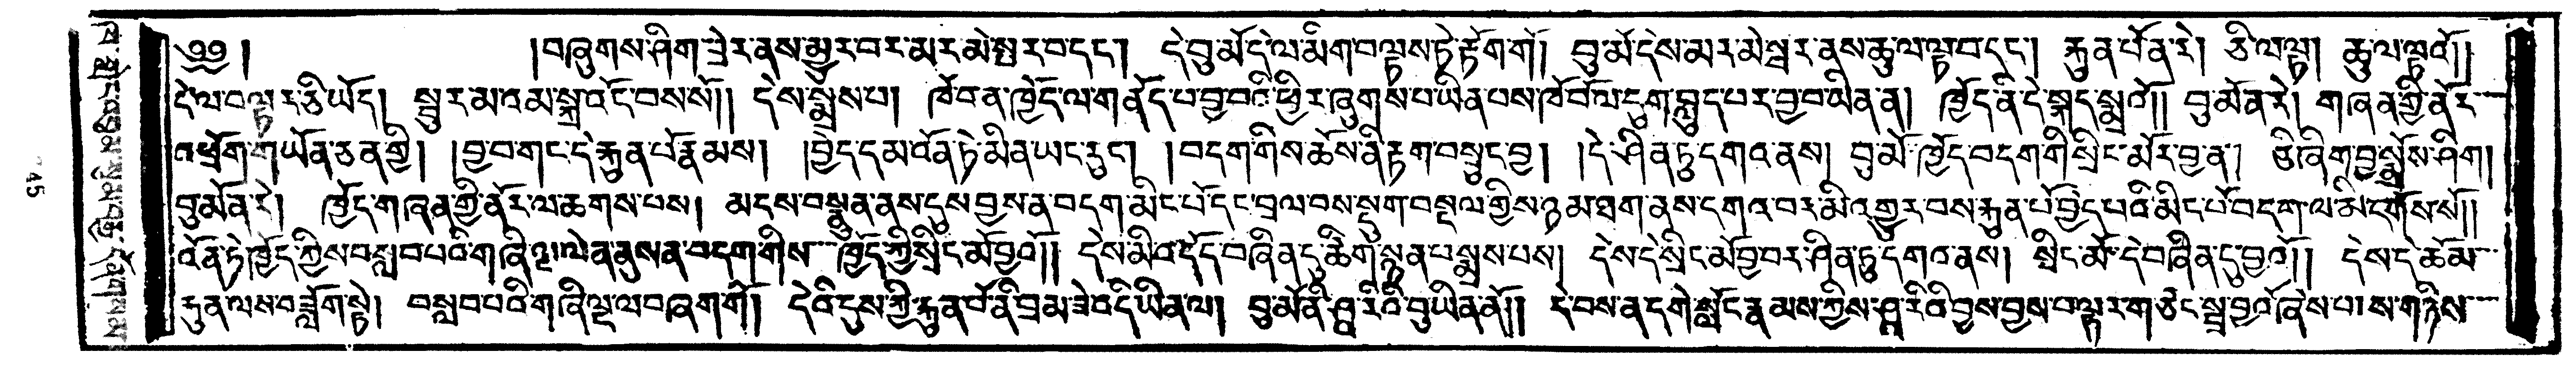༄༅། །བཞུགས་ཤིག་ཟེར་ནས་མྱུར་བར་མར་མེ་སྤར་བ་དང་། དེ་བུ་མོ་དེ་ལ་མིག་བལྟས་ཏེ་རྟོག་གོ། བུ་མོ་དེས་མར་མེ་སྦར་ནས་ཆུ་ལ་ལྟ་བ་དང་། རྐུན་པོ་ན་རེ། ཅི་ལ་ལྟ། ཆུ་ལ་ལྟའོ།།
དེ་ལ་བལྟར་ཅི་ཡོད། སྦུར་མ་འམ་སྐྲ་འོང་བས་སོ། །དེས་སྨྲས་པ། ཁོ་བ་ན་ཁྱོད་ལ་གནོད་པ་བྱ་བའི་ཕྱིར་ཞུགས་པ་ཡིན་པས་ཁོ་བོ་ལ་དུག་བླུད་པར་བྱ་བ་ཡིན་ན། ཁྱོད་ནི་དེ་སྐད་སྨྲའོ།། བུ་མོ་ན་རེ། གཞན་གྱི་ནོར་
འཕྲོག་གཡོན་ཅན་གྱི། །བྱ་བ་གང་དེ་རྐུན་པོ་རྣམས། །བྱེད་དམ་འོན་ཏེ་མིན་ཡང་རུང་། །བདག་གིས་ཆོས་ནི་རྟག་བསྲུང་བྱ། །དེ་ཤིན་ཏུ་དགའ་ནས། བུ་མོ༑ ཁྱོད་བདག་གི་སྲིང་མོར་བྱ་ན། ཅི་ཞིག་བྱ་སྨྲོས་ཤིག།
བུ་མོ་ན་རེ། ཁྱོད་གཞན་གྱི་ནོར་ལ་ཆགས་པས། མངས་བསྣུན་ནས་དུས་བྱས་ན་བདག་མིང་པོ་དང་བྲལ་བས་སྡུག་བསྔལ་གྱིས་ཉམ་ཐག་ནས་དགའ་བར་མི་འགྱུར་བས་རྐུན་པོ་བྱེད་པའི་མིང་པོ་བདག་ལ་མི་དགོས་སོ།།
འོན་ཏེ་ཁྱོད་ཀྱིས་བསླབ་པའི་གཞི་ལྔ་ལེན་ནུས་ན་བདག་གིས་ཁྱོད་ཀྱི་སྲིང་མོ་བྱའོ།། དེས་མི་འདོད་བཞིན་དུ་ཚིག་སྙན་པ་སྨྲས་པས། དེས་དེ་སྲིང་མོ་བྱ་བར་ཤིན་ཏུ་དགའ་ནས། སྤིང་མོ་དེ་བཞིན་དུ་བྱའོ།། དེས་དེ་ཆོམ་
རྐུན་ལས་བཟློག་སྟེ། བསླབ་པའི་གཞི་ལྔ་ལ་བཞག་གོ། དེའི་དུས་ཀྱི་རྐུན་པོ་ནི་བྲམ་ཟེ་འདི་ཡིན་ལ། བུ་མོ་ནི་ཤཱ་རིའི་བུ་ཡིན་ནོ།། དེ་བས་ན་དགེ་སློང་རྣམས་ཀྱིས་ཤཱ་རིའི་བྱས་བྱས་བལྟར་གཙང་སྦྲ་བྱའོ་ཞེས་པ། ས་གཉིས་